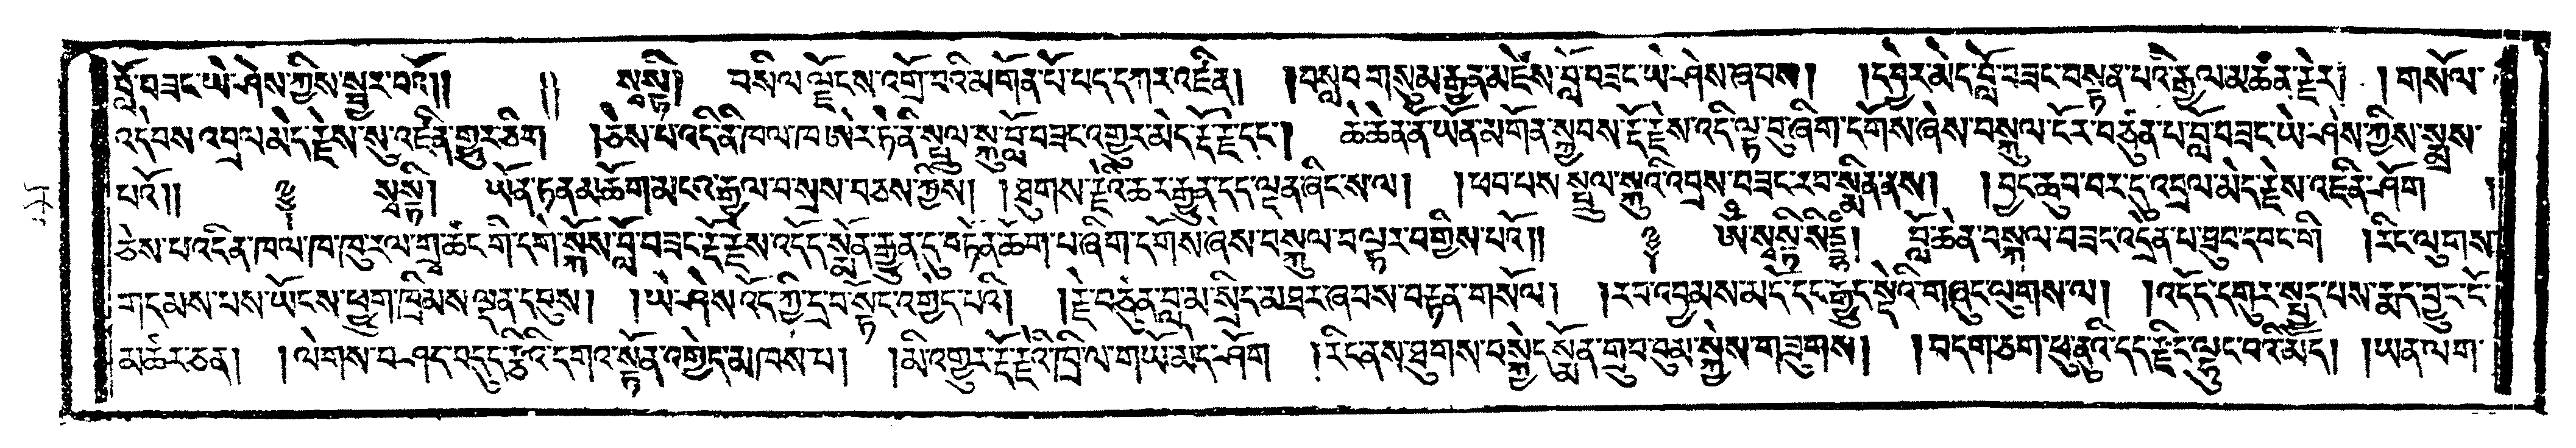བློ་བཟང་ཡེ་ཤེས་ཀྱིས་སྦྱར་བའོ།། །།སྭསྟི། བསིལ་ལྗོངས་འགྲོ་བའི་མགོན་པོ་པད་དཀར་འཛིན། །བསླབ་གསུམ་རྒྱན་མཛེས་བློ་བཟང་ཡེ་ཤེས་ཞབས། །དབྱེར་མེད་བློ་བཟང་བསྟན་པའི་རྒྱལ་མཚན་རྗེར། །གསོལ་
འདེབས་འབྲལ་མེད་རྗེས་སུ་འཛིན་གྱུར་ཅིག །ཅེས་པ་འདི་ནི་ཁལ་ཁ་ཨེར་ཏེ་ནི་སྤྲུལ་སྐུ་བློ་བཟང་འགྱུར་མེད་རྡོ་རྗེ་དང་། ཆེ་ཆེན་ནོ་ཡོན་མགོན་སྐྱབས་རྡོ་རྗེས་འདི་ལྟ་བུ་ཞིག་དགོས་ཞེས་བསྐུལ་ངོར་བཙུན་པ་བློ་བཟང་ཡེ་ཤེས་ཀྱིས་སྨྲས་
པའོ།། ༈ སྭསྟི། ཡོན་ཏན་མཆོག་མངའ་རྒྱལ་བ་སྲས་བཅས་ཀྱིས། །ཐུགས་རྗེའི་ཆར་རྒྱུན་དད་ལྡན་ཞིང་ས་ལ། །ཕབ་པས་སྤྲུལ་སྐུའི་འབྲས་བཟང་རབ་སྨིན་ནས། །བྱང་ཆུབ་བར་དུ་འབྲལ་མེད་རྗེས་འཛིན་ཤོག །
ཅེས་པ་འདི་ན་ཁལ་ཁ་ཁུ་རལ་གྲྭ་ཚང་གི་དགེ་སྐོས་བློ་བཟང་རྡོ་རྗེས་འདོད་སྨོན་རྒྱུན་དུ་བཏོན་ཆོག་པ་ཞིག་དགོས་ཞེས་བསྐུལ་བ་ལྟར་བགྱིས་པའོ།། ༈ ཨོཾ་སྭསྟི་སིདྡྷཾ། བློ་ཆེན་བསྐལ་བཟང་འདྲེན་པ་ཐུབ་དབང་གི །རིང་ལུགས་
གདམས་པས་ཡོངས་ཕྱུག་ཁྲིམས་ལྡན་དབུས། །ཡེ་ཤེས་འོད་ཀྱི་དྲ་བ་སྟོང་འགྱེད་པའི། །རྗེ་བཙུན་བླ་མ་སྲིད་མཐར་ཞབས་བརྟན་གསོལ། །རབ་འབྱམས་མདོ་དང་རྒྱུད་སྡེའི་གཞུང་ལུགས་ལ། །འདོད་དགུར་སྤྱད་པས་རྨད་བྱུང་ངོ་
མཚར་ཅན། །ལེགས་བཤད་བདུད་རྩིའི་དགའ་སྟོན་འགྱེད་མཁས་པ། །མི་འགྱུར་རྡོ་རྗེའི་ཁྲི་ལ་གཡོ་མེད་ཤོག །རིང་ནས་ཐུགས་བསྐྱེད་སྨོན་གྲུབ་བུམ་སྐྱེས་གཟུགས། །བདག་ཅག་ཕུ་ནུའི་དད་རྫིང་ལྷུང་བའི་མོད། །ཡན་ལག་